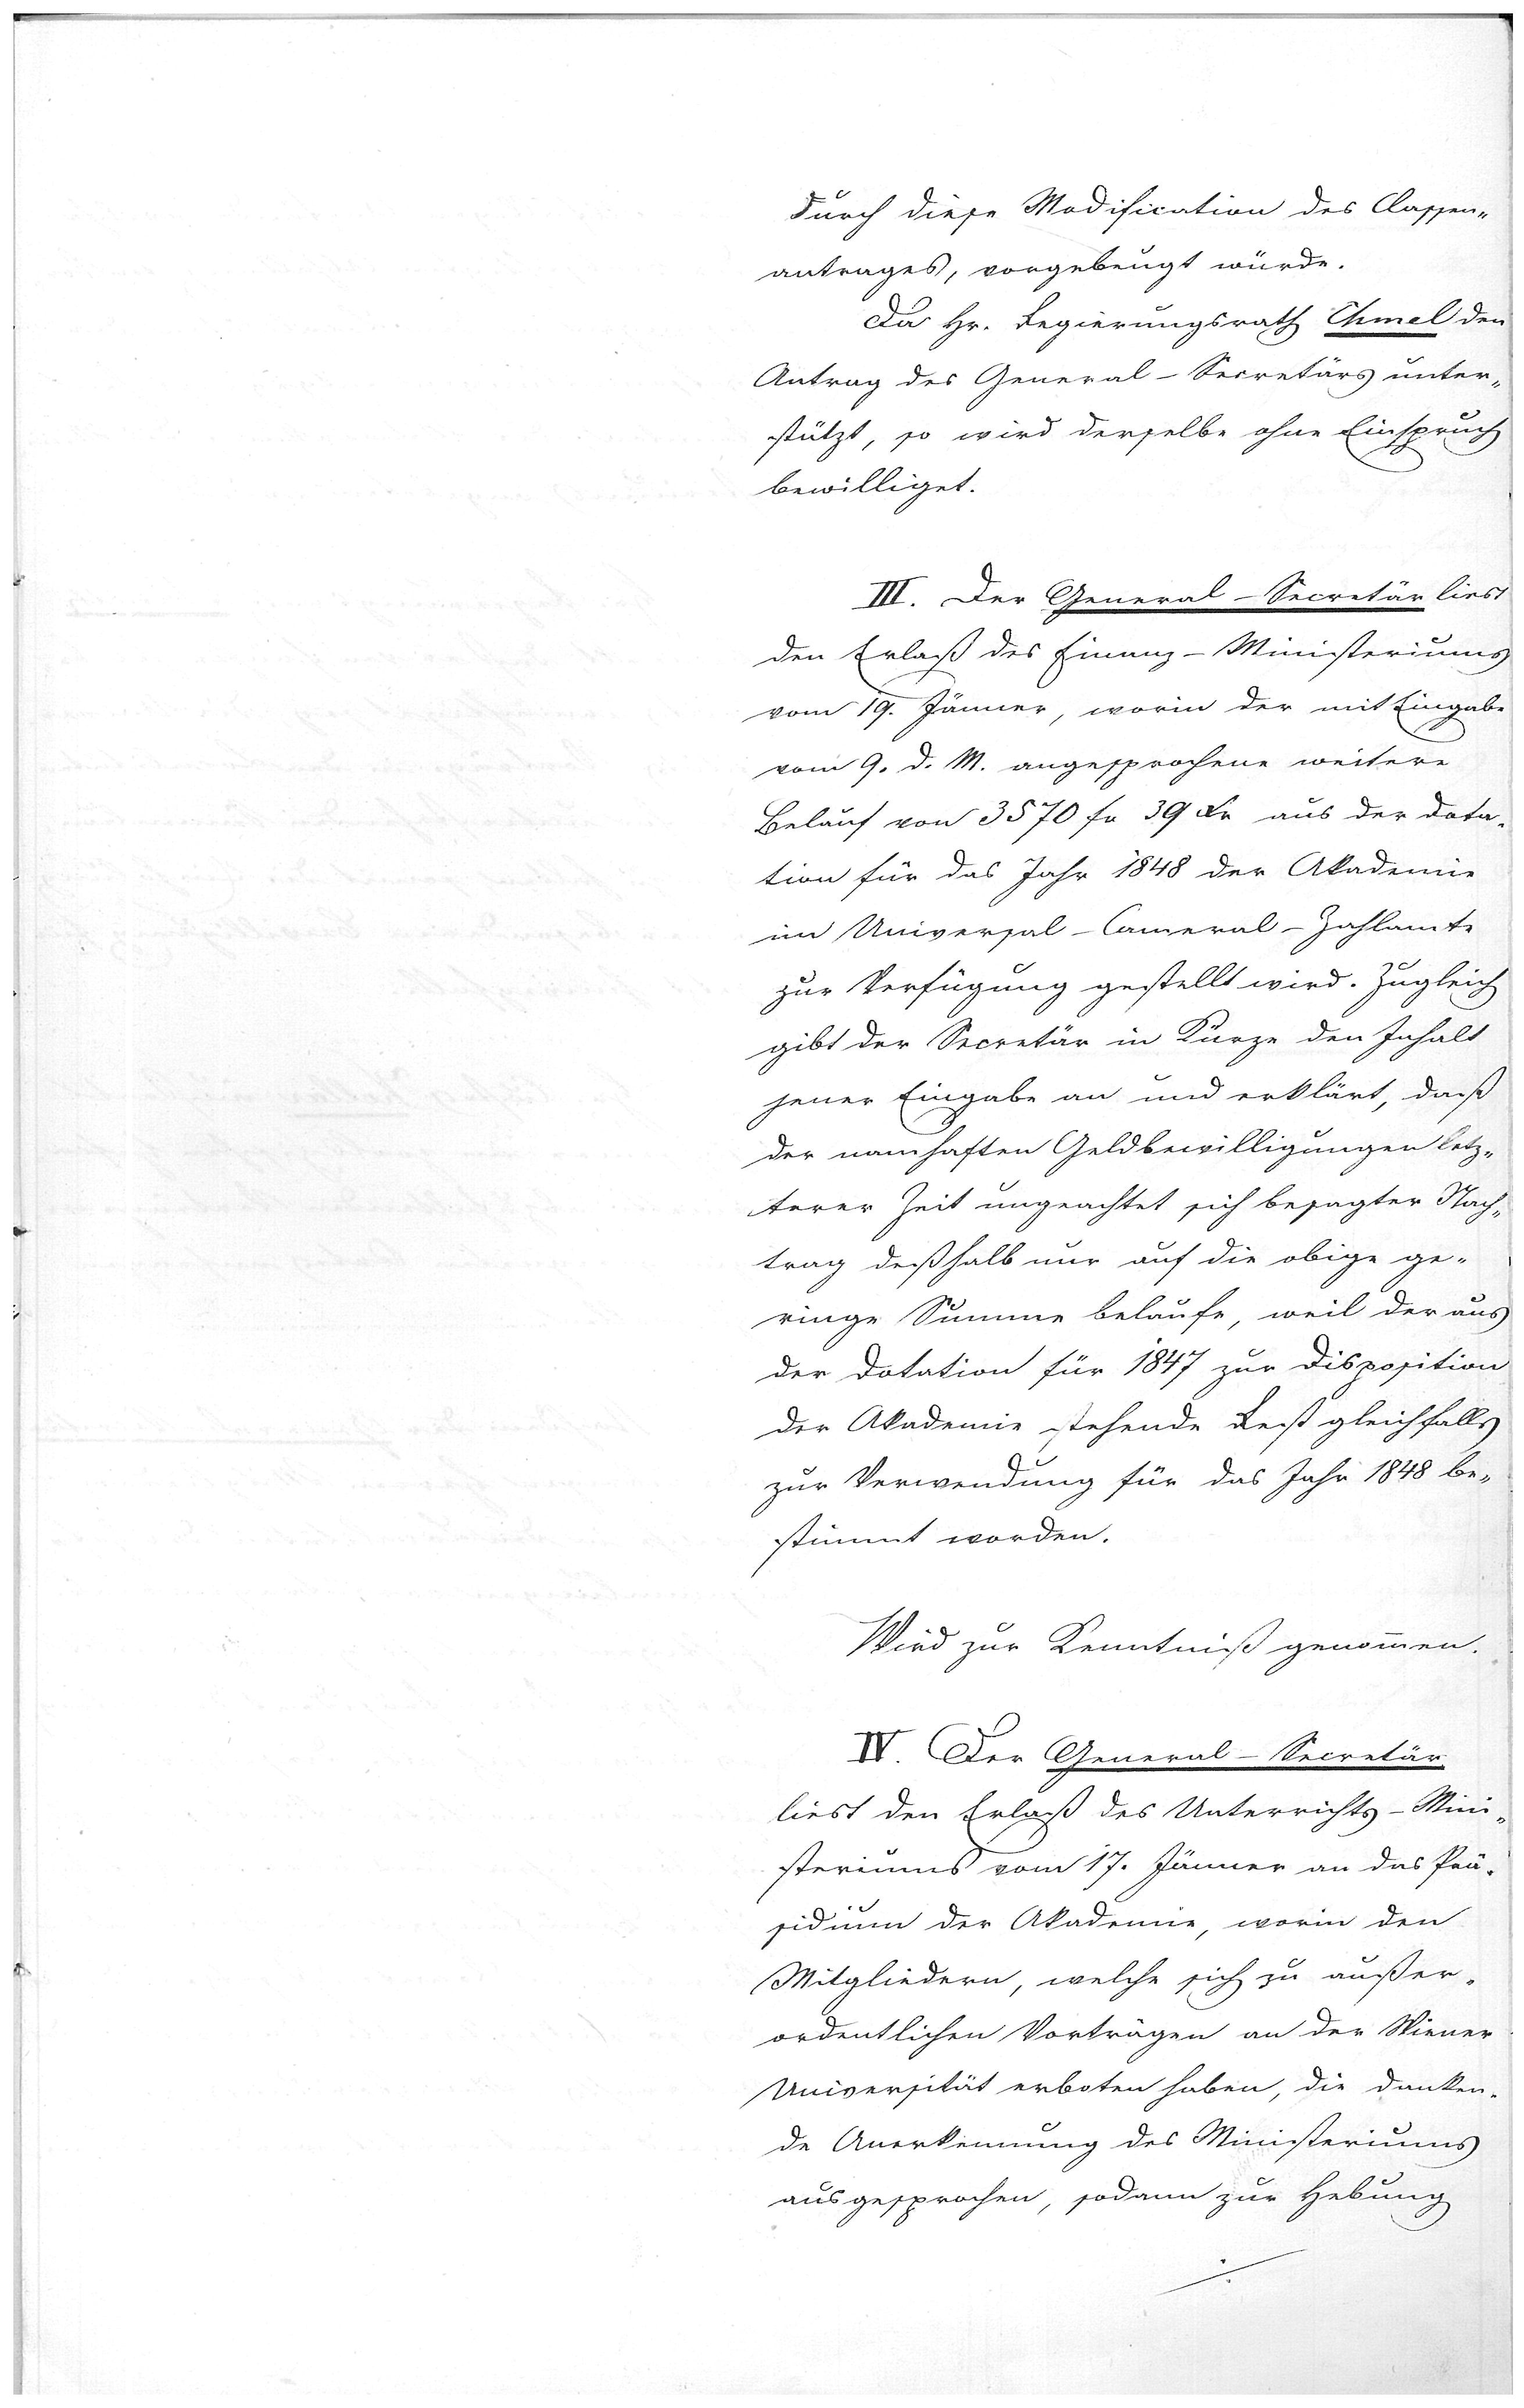durch diese Modification des Classen-
antrages, vorgebeugt würde.
Da Hr. Regierungsrath Chmel den
Antrag des General-Secretärs unter-
stützt, so wird derselbe ohne Einspruch
bewilliget.
III. Der General-Secretär liest
den Erlaß des Finanz-Ministeriums
vom 19. Jänner, worin der mit Eingabe
vom 9. d. M. angesprochene weitere
Belauf von 3570 fr 39 Kr aus der Dota-
tion für das Jahr 1848 der Akademie
im Universal-Cameral-Zahlamte
zur Verfügung gestellt wird. Zugleich
gibt der Secretär in Kürze den Inhalt
jener Eingabe an und erklärt, daß
der namhaften Geldbewilligungen letz-
terer Zeit ungeachtet sich besagter Nach-
trag deßhalb nur auf die obigen ge-
ringe Summe belaufe weil der aus
der Dotation für 1847 zur Disposition
der Akademie stehenden Rest gleichfalls
zur Verwendung für das Jahr 184 be-
stimmt worden.
Wird zur Kenntniß genommen.
IV. Der General-Secretär
liest den Erlaß des Unterrichts-Mini-
sterium vom 17. Jänner an das Prä-
sidium der Akademie, worin den
Mitgliedern, welche sich zu außer-
ordentlichen Vorträgen an der Wiener
Universität erboten haben, die danken-
de Anerkennung des Ministeriums
ausgesprochen, sodann zur Hebung